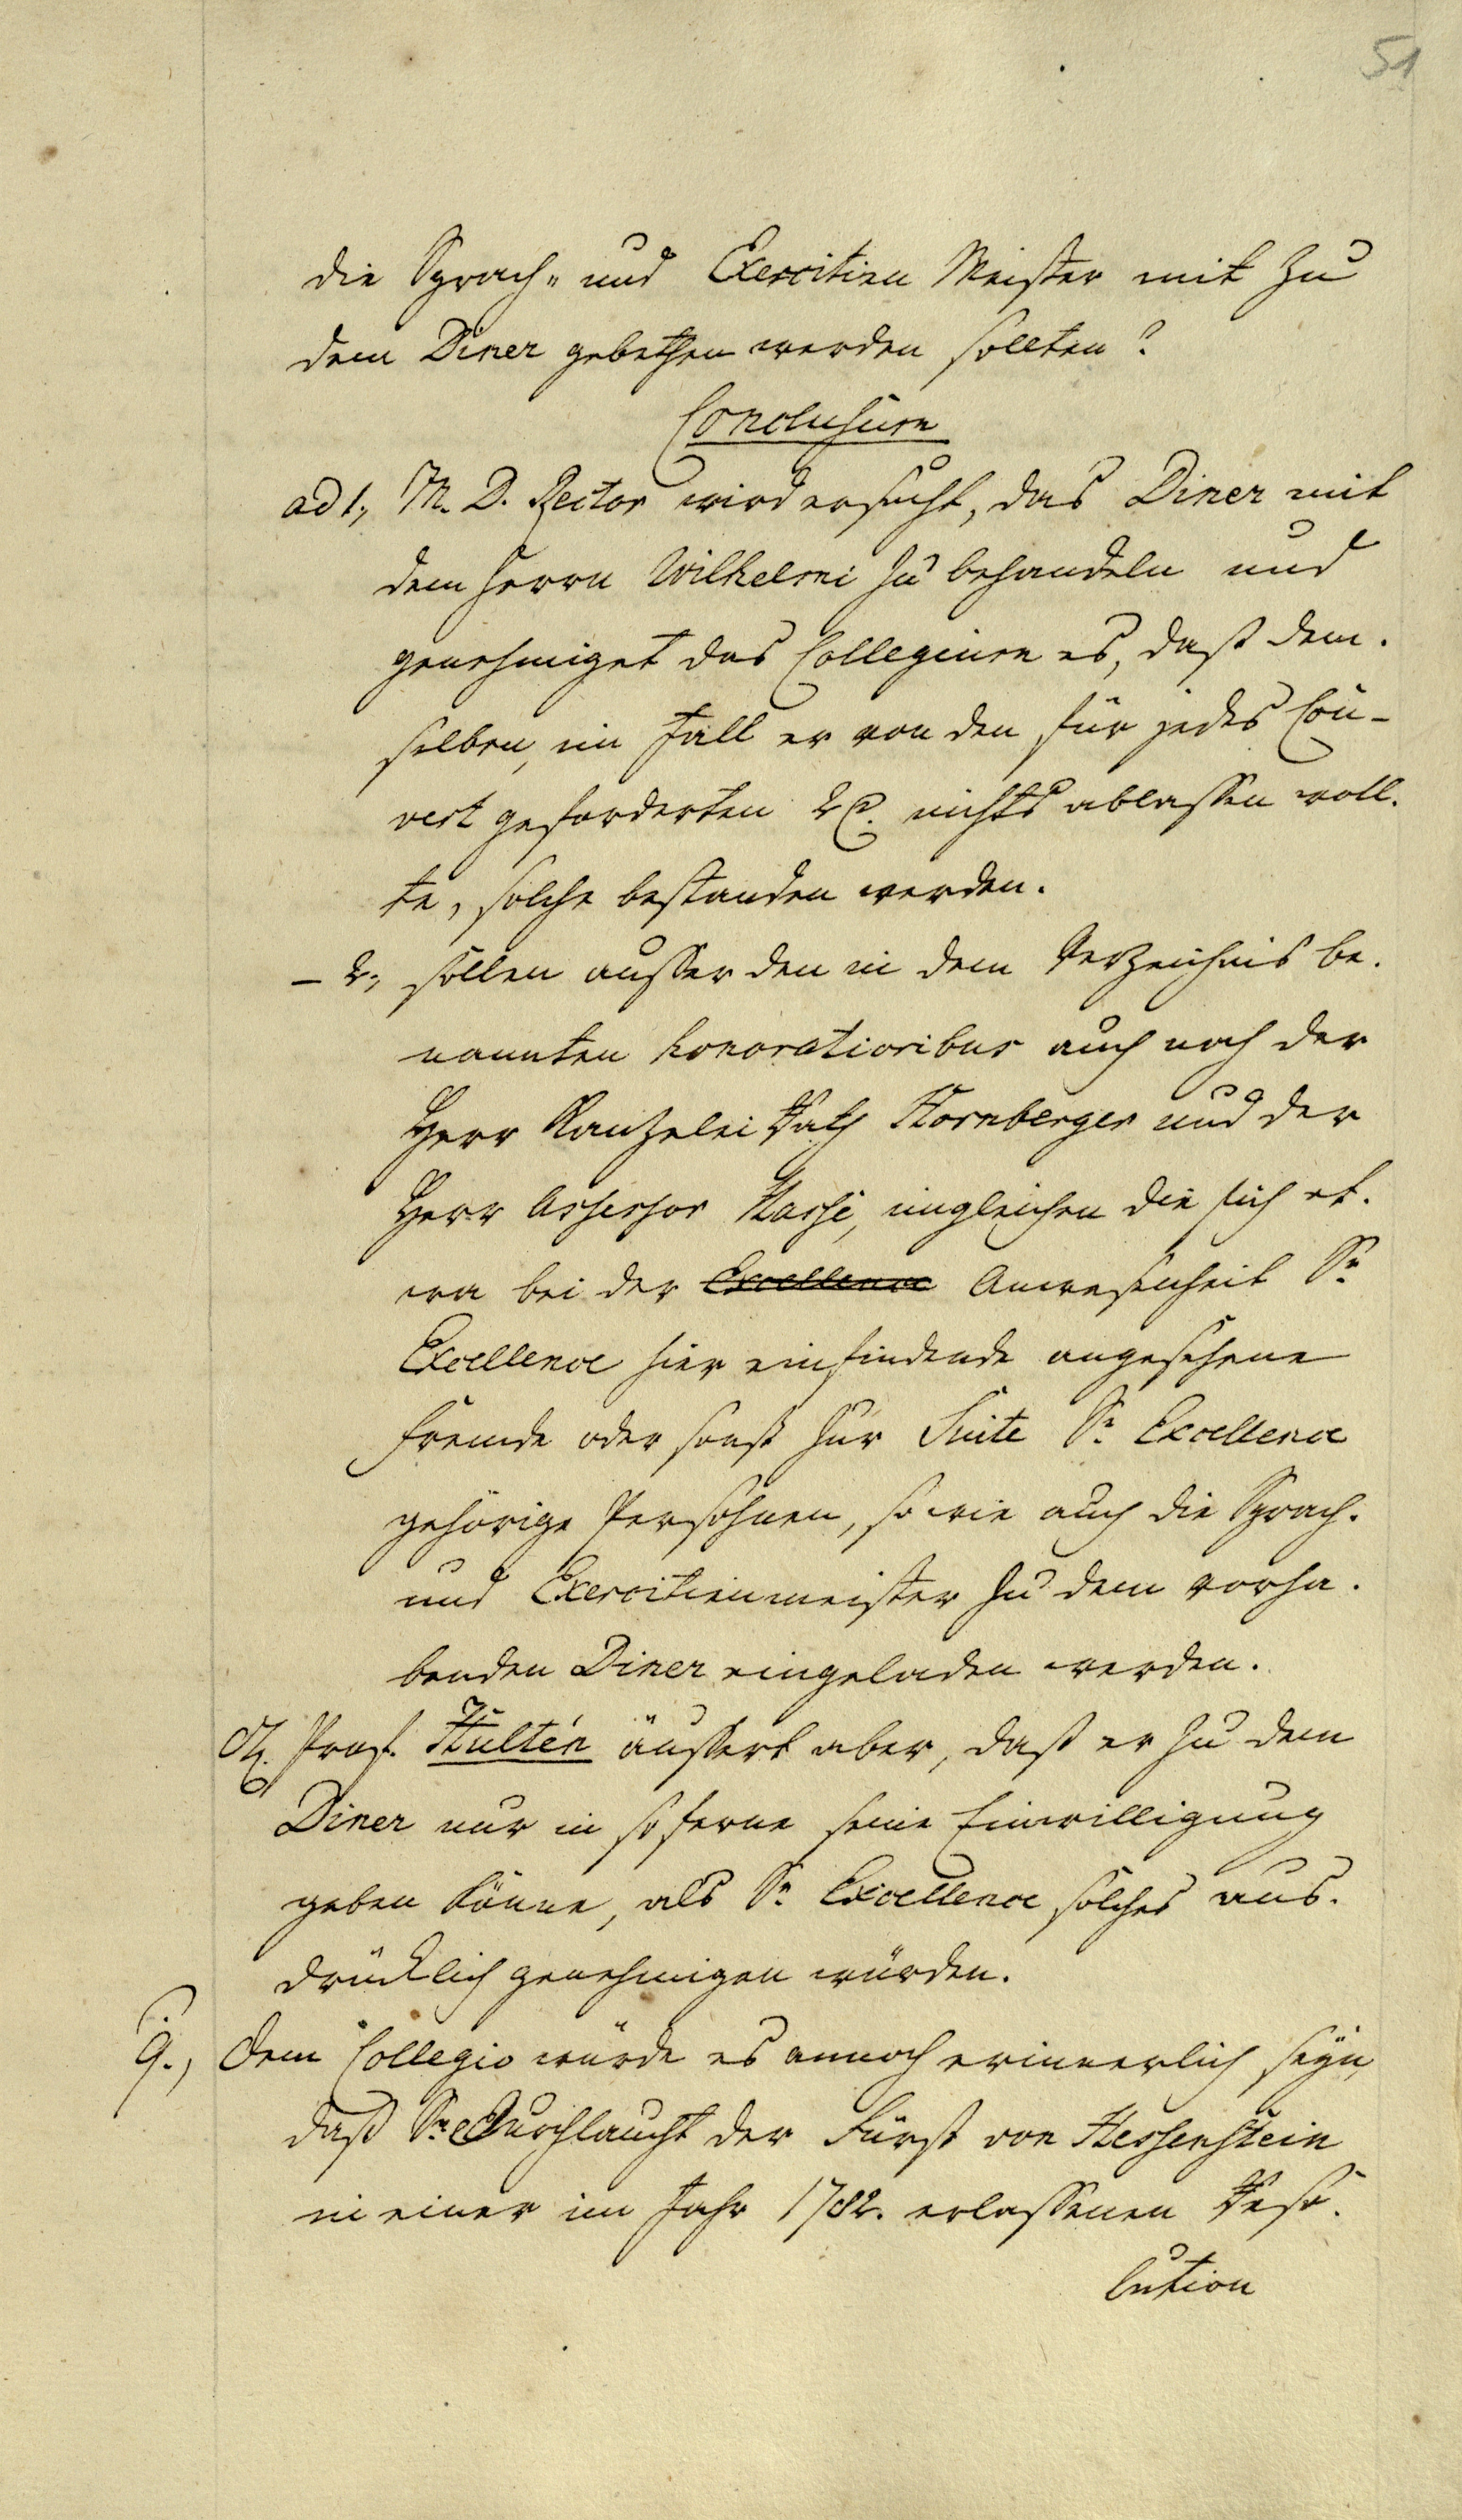die Sprach- und Exercitien Meister mit zu
dem Diner gebethen werden sollten?
Conclusum
ad 1. M. D. Rector wird ersucht, das Diner mit
dem Herrn Wilhelmi zu behandeln und
genehmiget das Collegium es, daß dem¬
selben, im Fall er von den für jedes Cou¬
vert geforderten 2 l. nichts ablassen woll¬
te, solche bestanden werden.
2., sollen ausser den in dem Verzeichnis be¬
nannten honoratioribus auch noch der
Herr Kanzelei Rath Hornberger und der
Herr Assessor Hasse, imgleichen die sich et¬
wa bei der Excellence Anwesenheit Sr
Excellence hier einfindende angesehene
Fremde der sonst zur Suite Sr Excellence
gehörige Persohnen, so wie auch die Sprach-
und Exercitienmeister zu dem vorha¬
benden Diner eingeladen werden.
dh. Prof. Hultén äussert aber, daß er zu dem
Diner nur in so ferne seine Einwilligung
geben könne, als Sr Excellence solches aus¬
drücklich genehmigen würden.
9., Dem Collegio würde es annoch erinnerlich seÿn,
daß Sr Durchlaucht der Fürst von Hessenstein
in einer im Jahr 1782. erlassenen Reso¬
lution